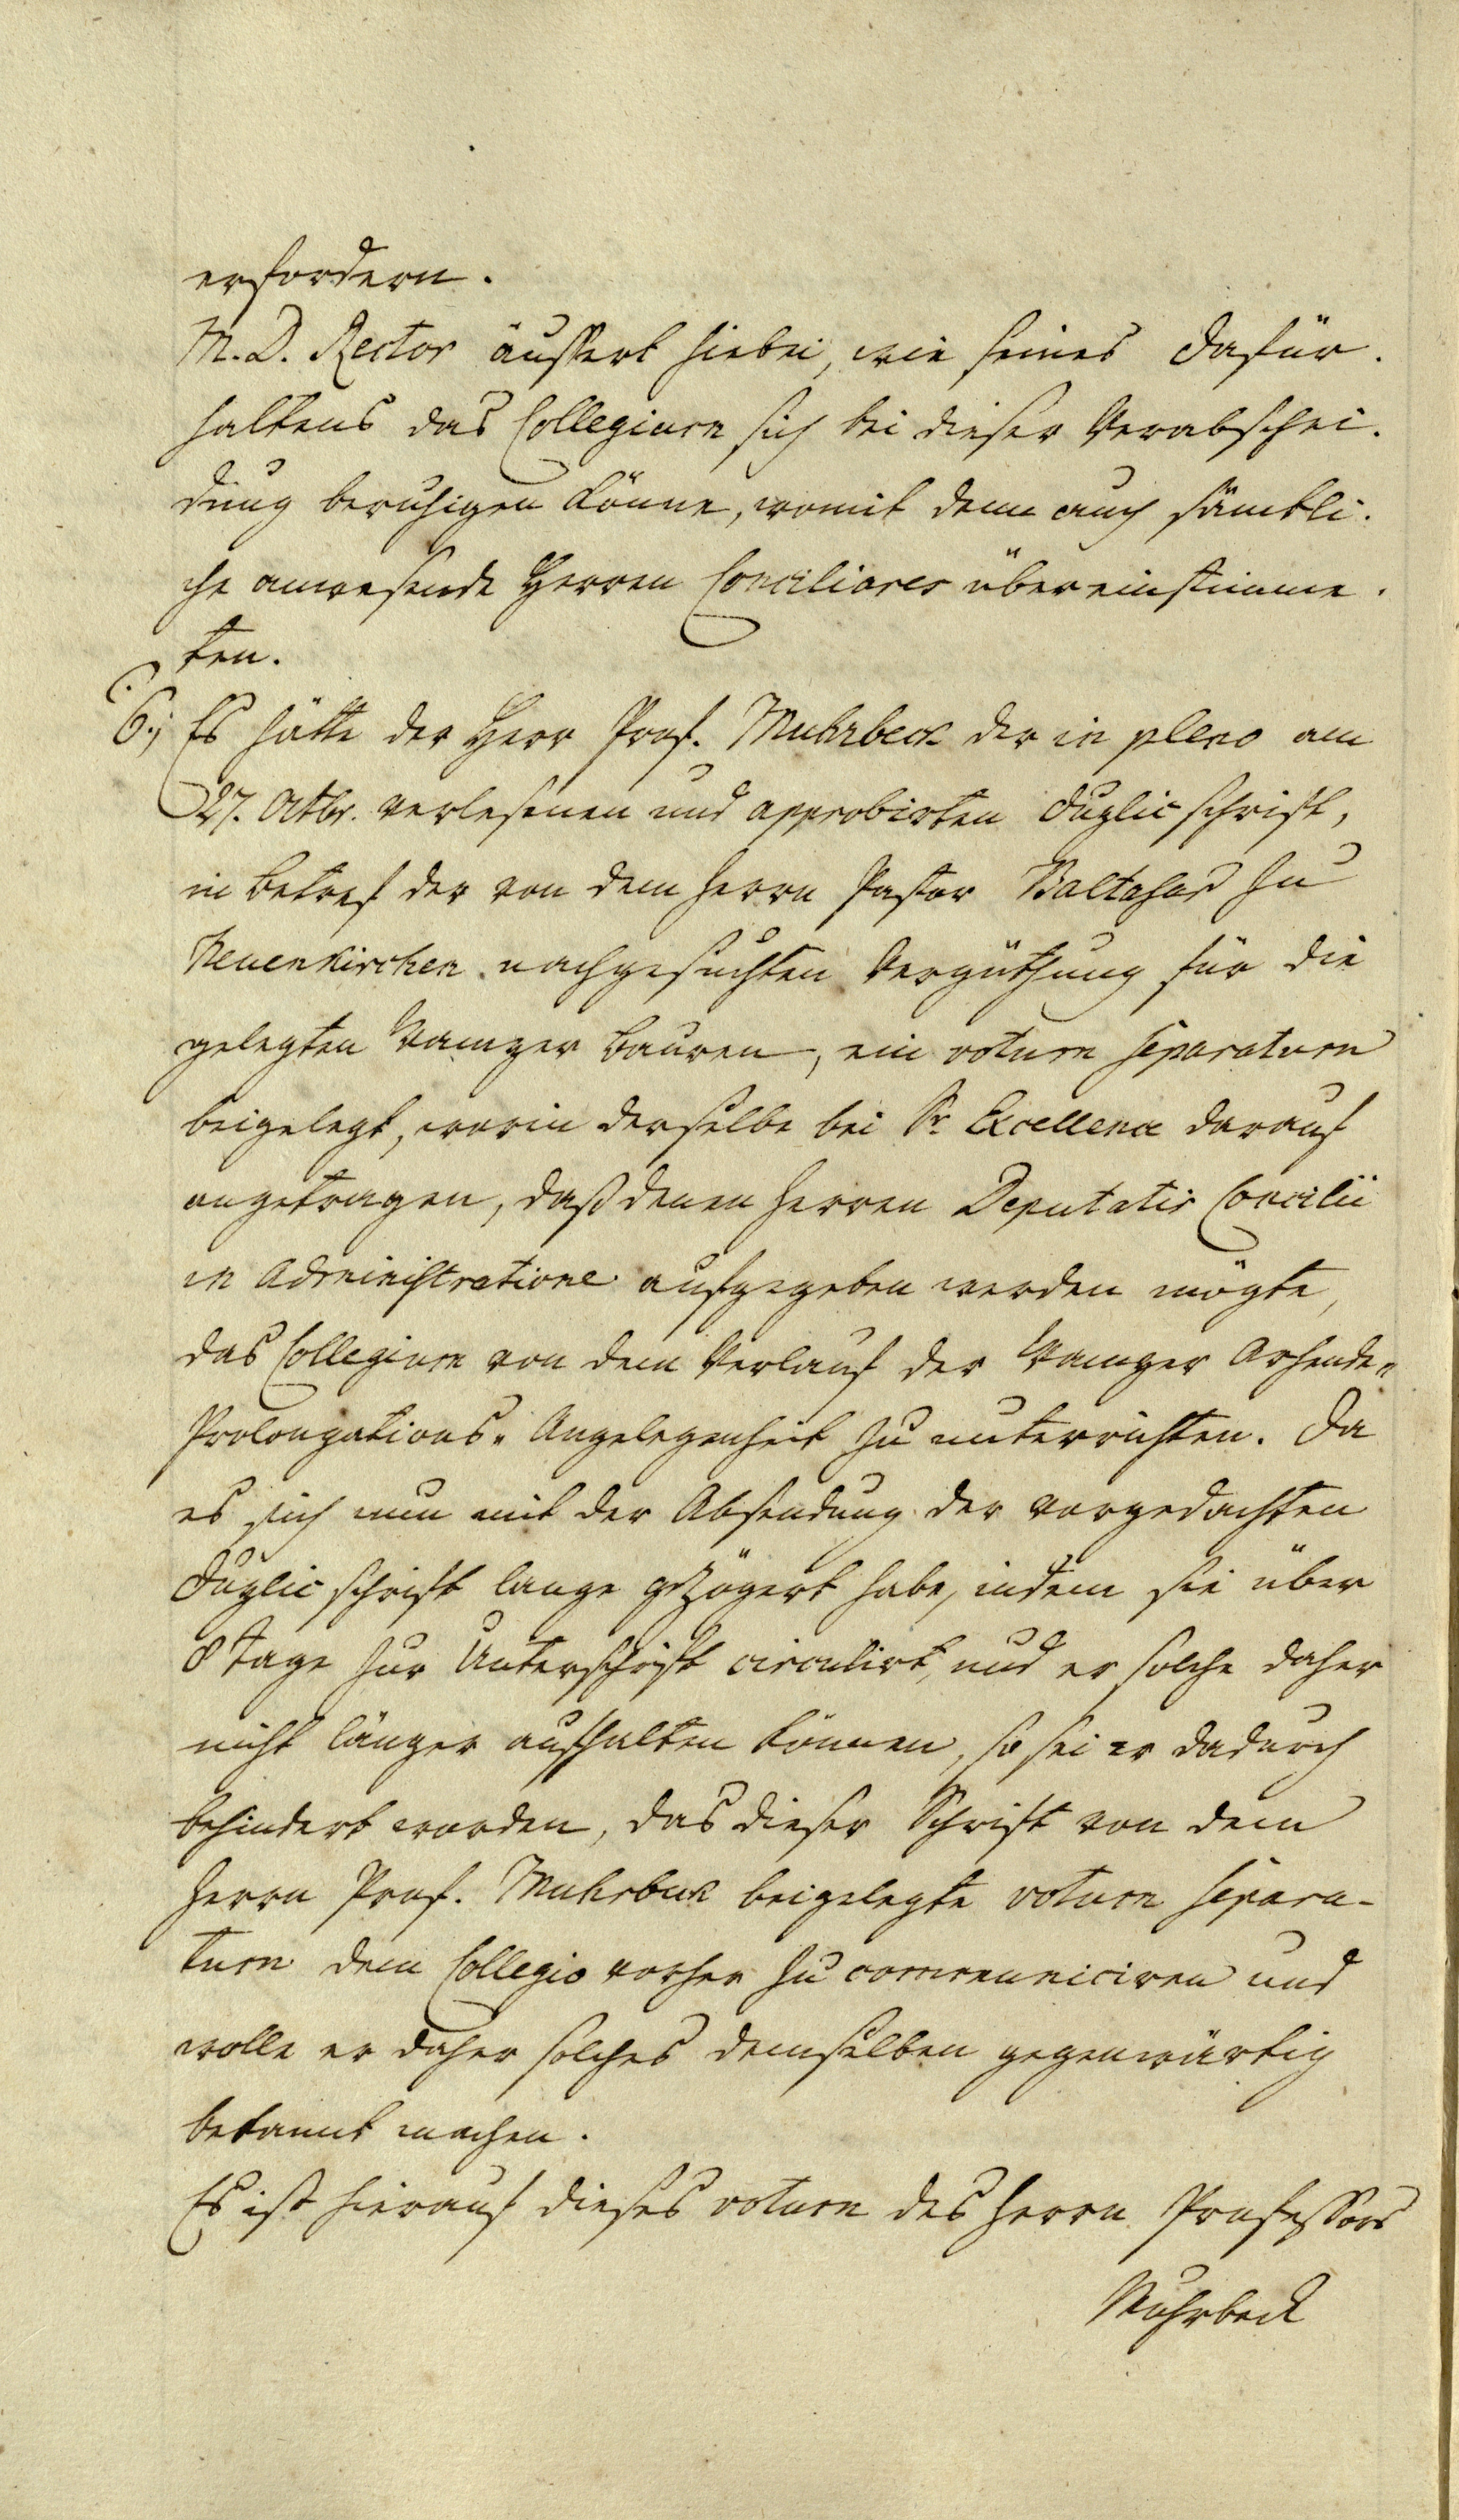erfordern.
M. D. Rector äussert hiebei, wie seines Dafür¬
haltens das Collegium sich bei dieser Verabschei¬
dung beruhigen könne, womit denn auch sämtli¬
che anwesende Herren Conciliares übereinstimme¬
ten.
6., Es hätte der Herr Prof. Muhrbeck der in pleno am
27. Octbr. verlesenen und approbirten Duplicschrift,
in Betref der von dem Herrn Pastor Baltasar zu
Neuenkirchen nachgesuchten Vergüthung für die
gelegten Wamper Bauren, ein votum separatum
beigelegt, worin derselbe bei Sr Excellence darauf
angetragen, daß denen Herren Deputatis Concilii
in Administratione aufgegeben werden mögte,
das Collegium von dem Verlauf der Wamper Assende-
Prolongations- Angelegenheit zu unterrichten. Da
es sich nun mit der Absendung der vorgedachten
Duplic schrift lange gezögert habe, indem sie über
8 Tage zur Unterschrift circulirt und er solche daher
nicht länger aufhalten können, so sei er dadurch
behindert worden, das dieser Schrift von dem
Herrn Prof. Muhrbeck beigelegten votum separa¬
tum dem Collegio vorher zu communiciren und
wolle er daher solches demselben gegenwärtig
bekannt machen.
Es ist hierauf dieses votum des Herrn Professors
Muhrbeck